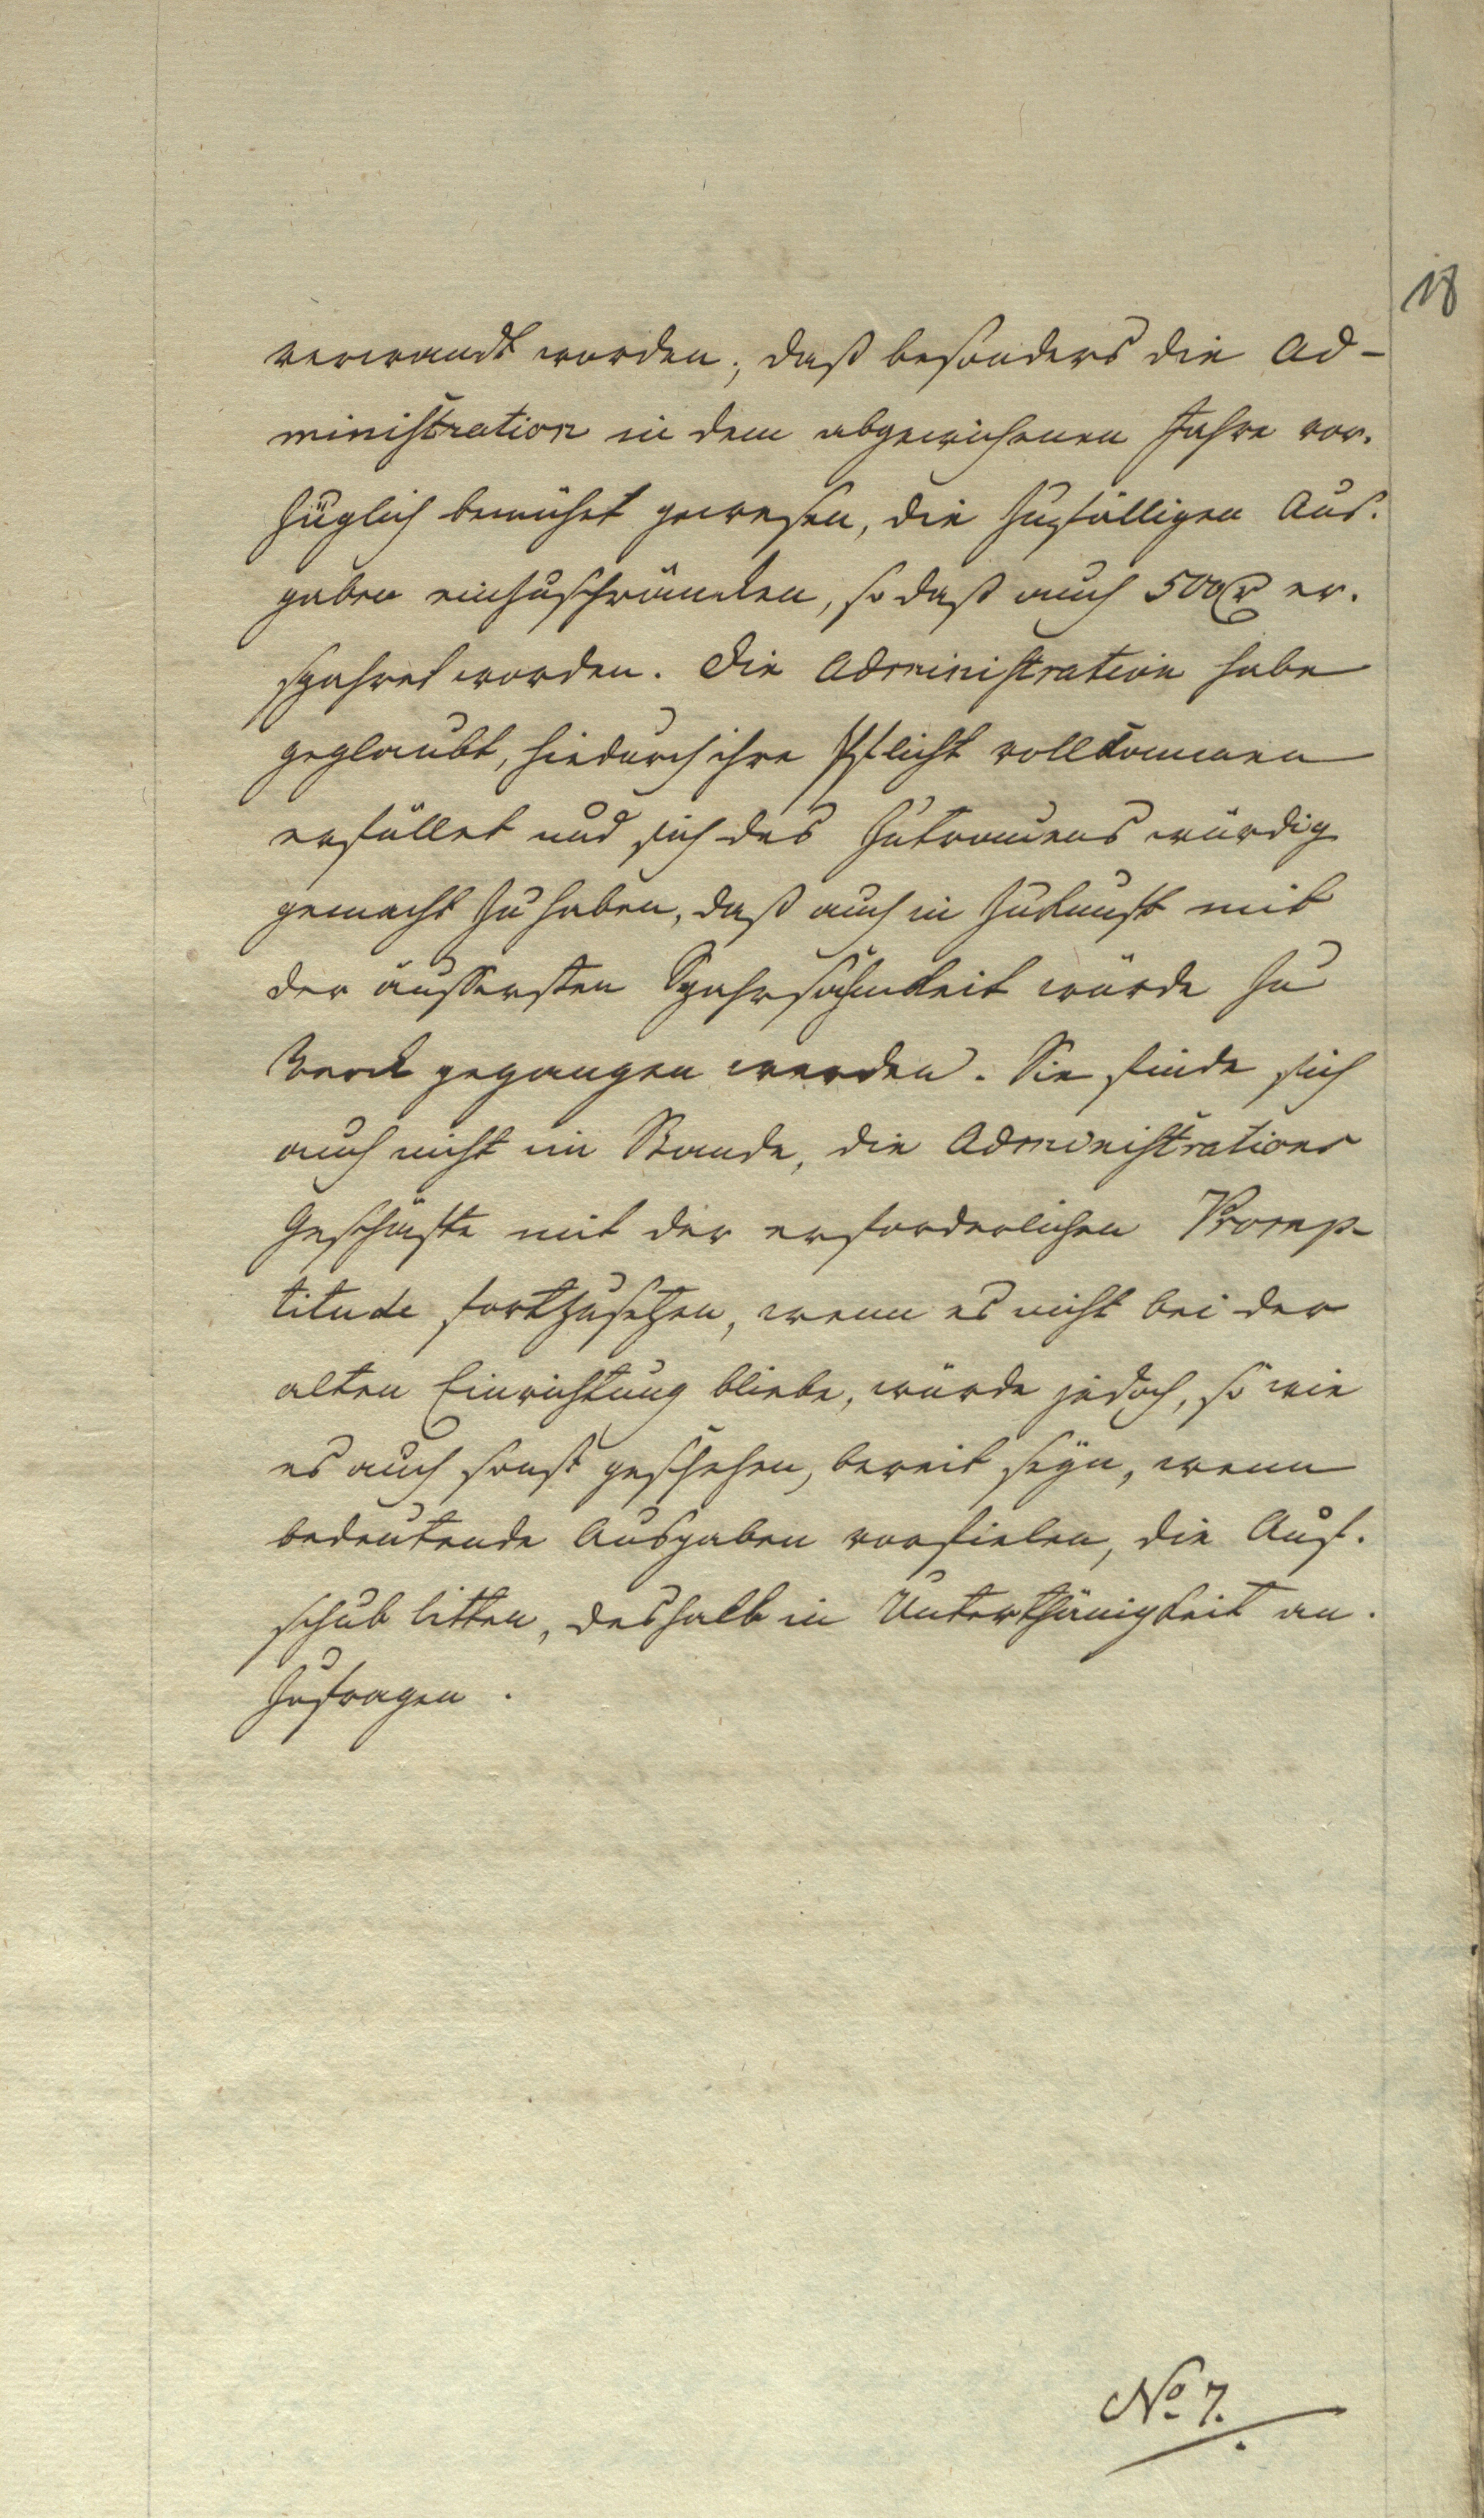verwandt worden, daß besonders die Ad¬
ministration in dem abgewichenen Jahre vor¬
züglich bemühet gewesen, die zufälligen Aus¬
gaben einzuschränken, so daß auch 500 rtl. er¬
spahret worden. Die Administration habe
geglaubt, hiedurch ihre Pflicht vollkommen
erfüllet und sich des Zutrauens würdig
gemacht zu haben, daß auch in Zukunft mit
der äussersten Spahrsahmkeit würde zu
Werk gegangen werden. Sie finde sich
auch nicht im Stande, die Adminstrations
Geschäfte mit der erforderlichen Promp¬
titude fortzusetzen, wenn es nicht bei der
alten Einrichtung bliebe, würde jedoch, so wie
es auch sonst geschehen, bereit seyn, wenn
bedeutende Ausgaben vorfielen, die Auf¬
schub litten, deshalb in Unterthänigkeit an¬
zufragen.